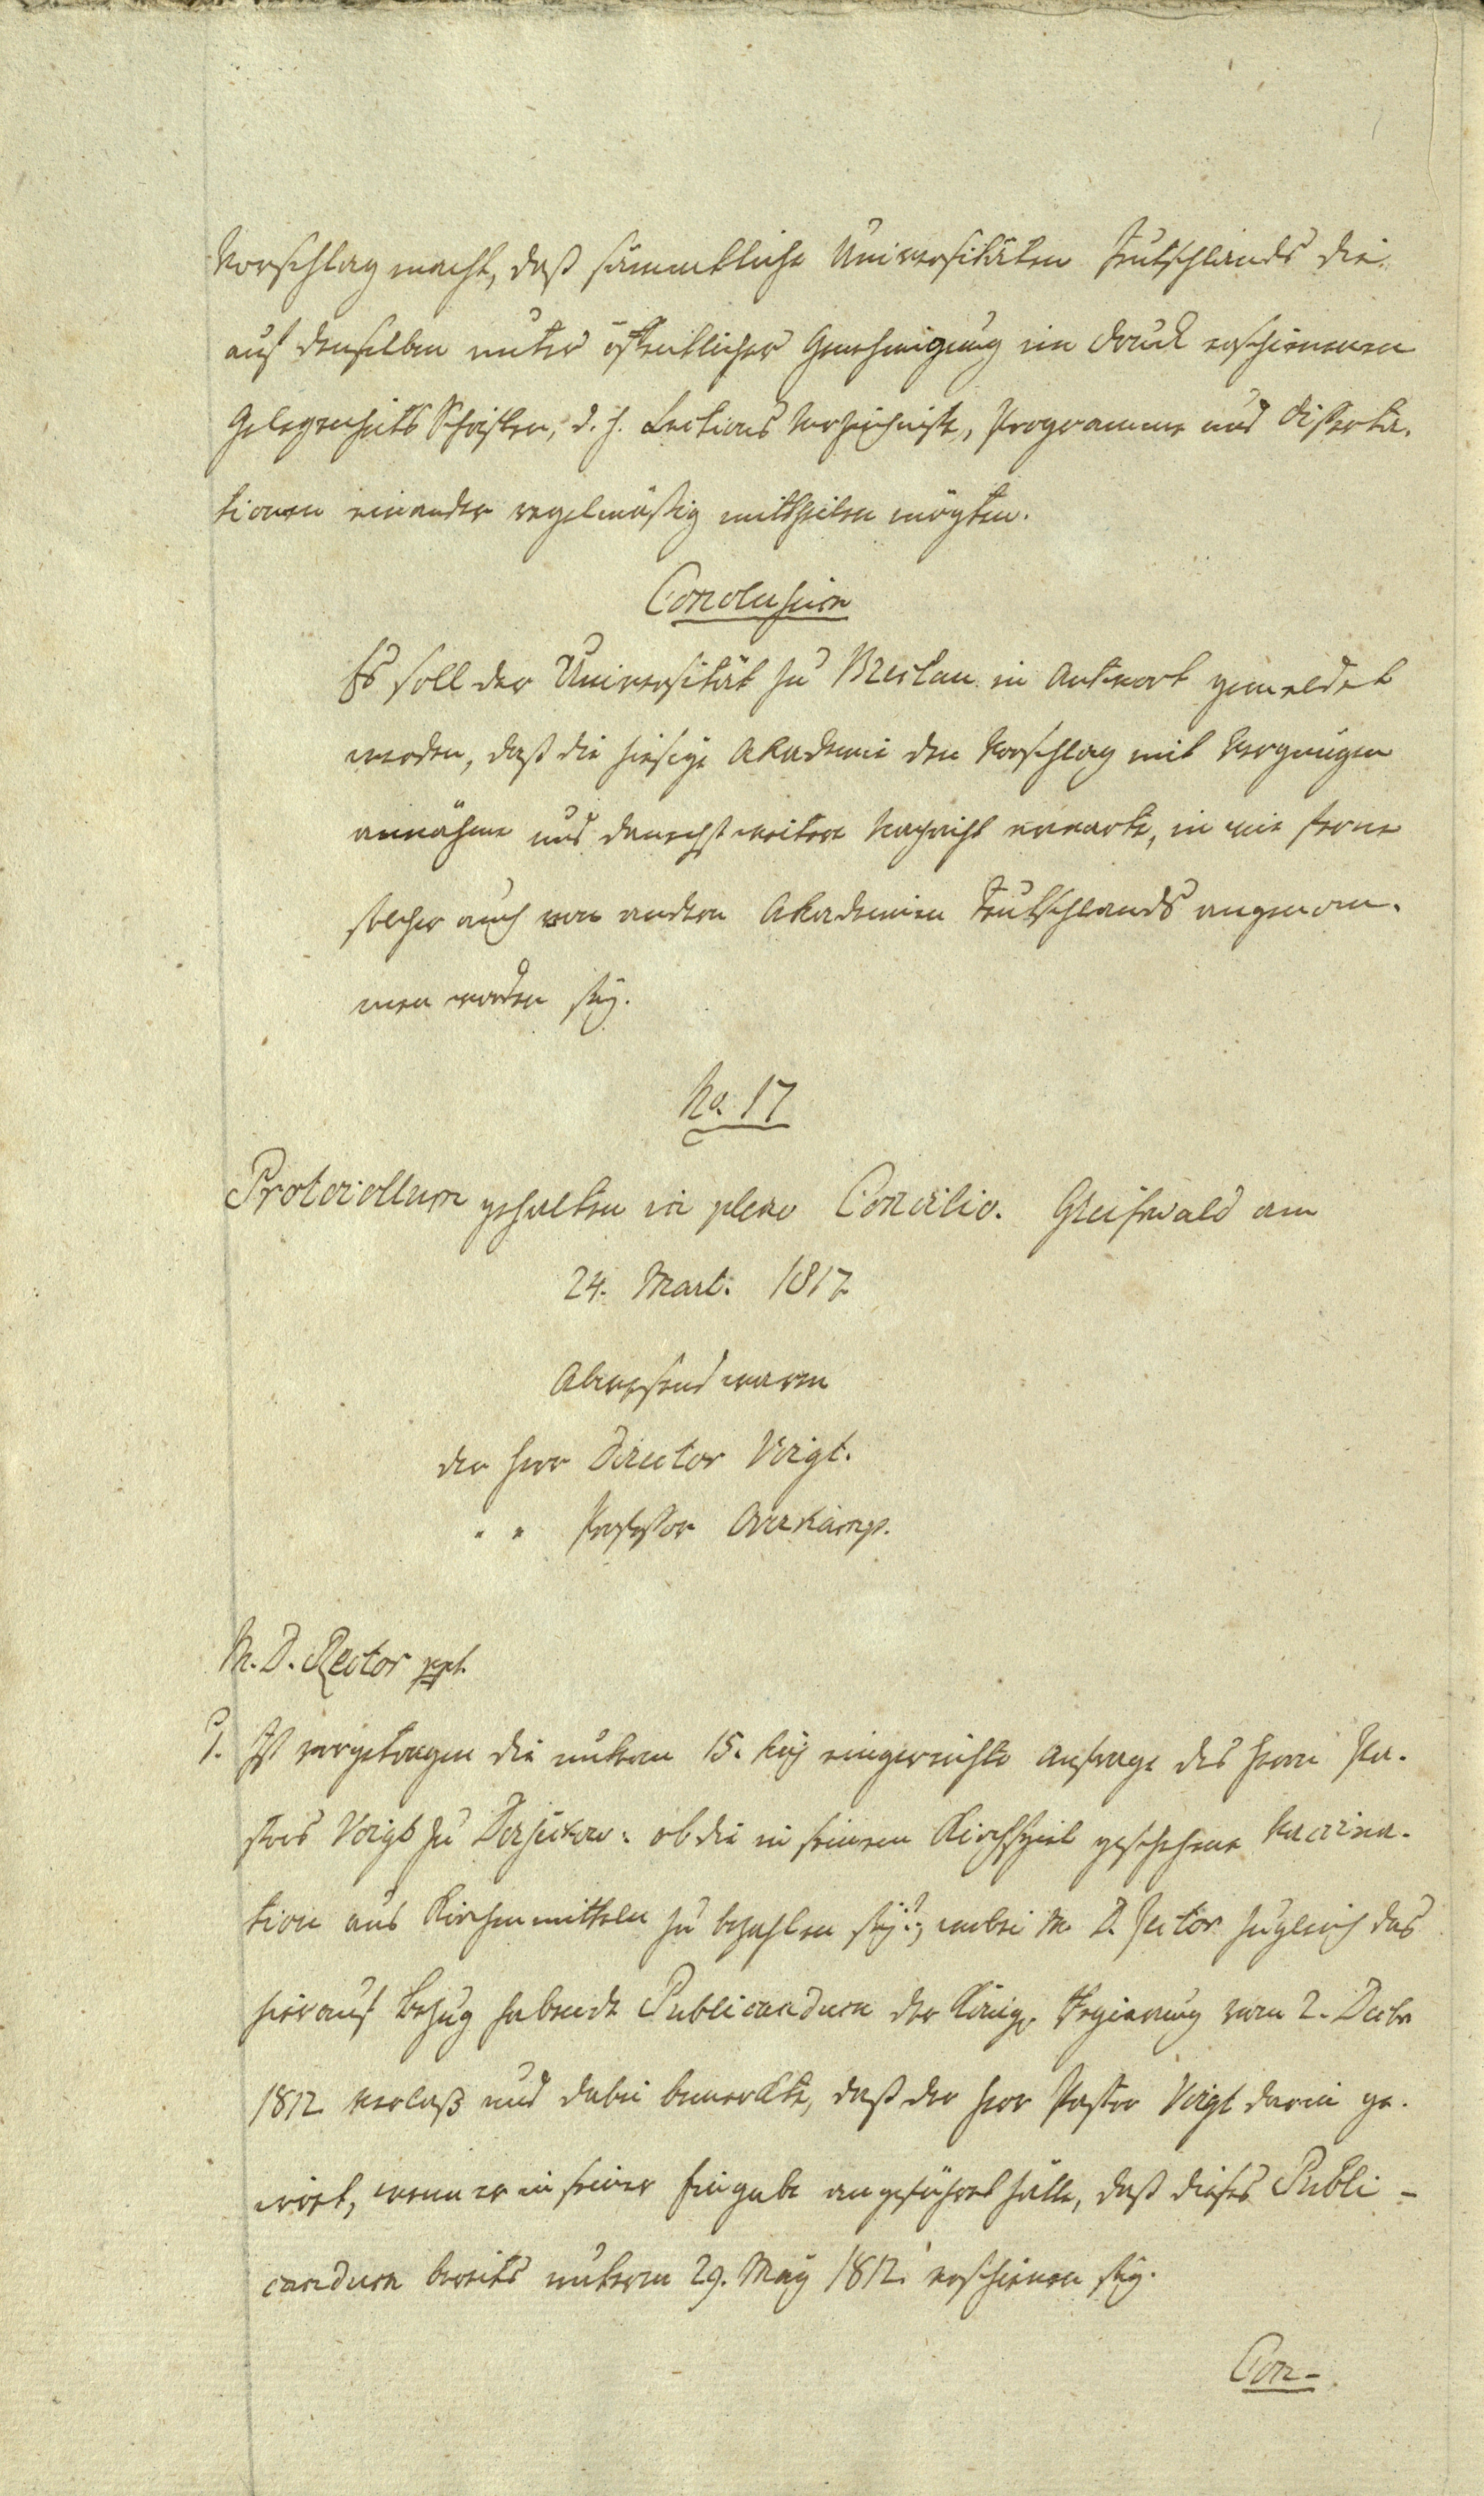Vorschlag macht, daß sämmtliche Universitäten Teutschlands die
auf denselben unter öffentlicher Genehmigung im Druck erschienenen
Gelegenheits Schriften, d. J. Lections Verzeichniße, Programme und Disserta¬
tionen einander regelmäßig mittheilen mögten.
Conclusum
Es soll der Universität zu Breslau in Antwort gemeldet
werden, daß die hiesige Akademie den Vorschlag mit Vergnügen
annähme und danechst weitere Nachricht erwarte, in wie ferne
solcher auch von andern Akademien Teutschlands angenom¬
men worden seÿ.
No 17.
Protocollum gehalten in pleno Concilio. Greifswald am
24. Mart. 1817.
Abwesend waren
der Herr Director Voigt.
Professor Overkamp.
M. D. Rector ppt.
1. Ist vorgetragen die unterm 15. huj eingereichte Anfrage des Herrn Pa¬
stors Voigt zu Derseckow: ob die in seinem Kirchspiel geschehene Vaccina¬
tion aus Kirchenmitteln zu bezahlen seÿ?, wobei M. D. Rector zugleich das
hierauf Bezug habende Publicandum der Königl. Regierung vom 2. Decbr
1812 verlaß und dabei bemerkte, daß der Herr Pastor Voigt darin ge¬
irret, wenn er in seiner Eingabe angeführet hätte, daß dieses Publi¬
candum bereits unterm 29. Maÿ 1812 erschienen seÿ.
Con¬